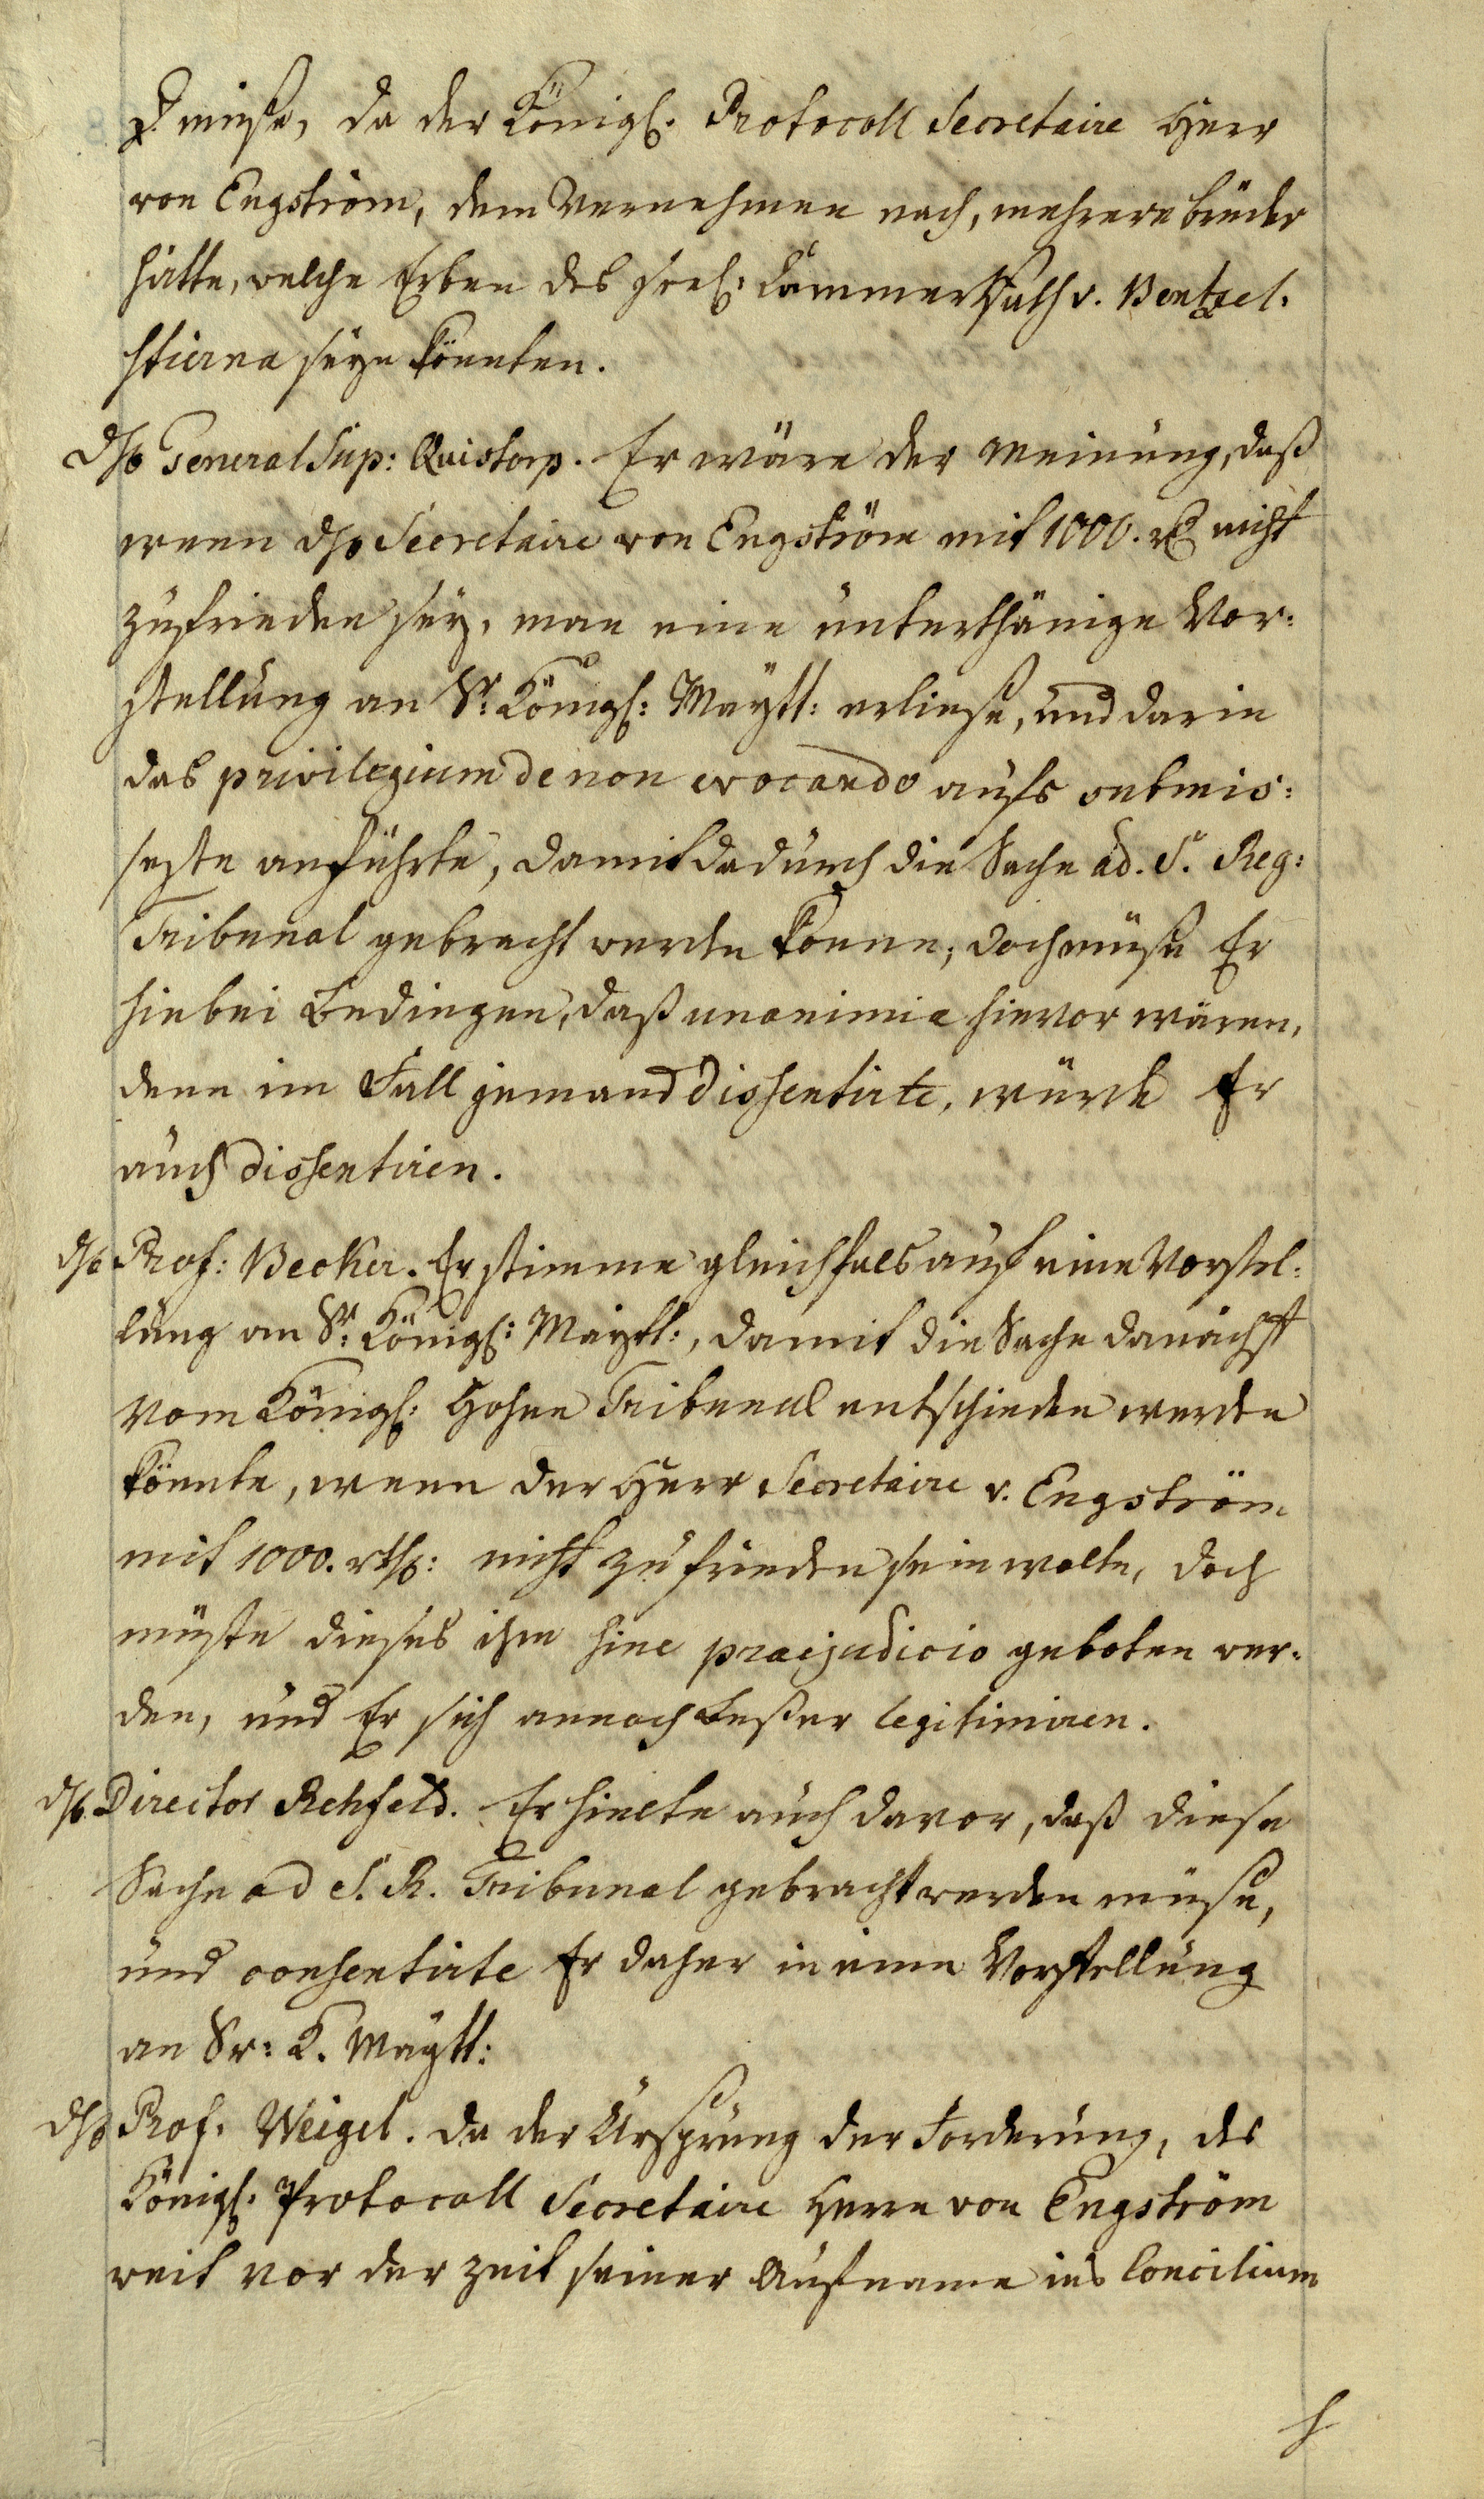müße, da der Königl. Protocoll Secretaire Herr
von Engstzröm, dem Vernehmen nach, mehrere Brüder
hätte, welche Erben des seel. CammerRath v. Bentzel¬
stierna seÿn könnten.
dh GeneralSup. Quistorp. Er wäre der Meinung, daß
wenn dh Secretaire von Engström mit 1000 r. nicht
zufrieden seÿ, man eine unterthänige Vor¬
stellung an S. Königl. Maÿtt. erließe, und darin
das privilegium de non evocando aufs submis¬
seste anführte, damit dadurch die Sache ad. S. Reg.
Tribunal gebracht werden könne, doch müße Er
hiebei bedingen, daß unanimia hievor wären,
denn im Fall jemand dissentirte, würde Er
auch dissentiren.
dh Prof. Becker. Er stimme gleichfals auf eine Vorstel¬
lung an Sr Königl. Maÿtt., damit die Sache danächst
vom Königl. Hohen Tribunal entschieden werden
könnte, wenn der Herr Secretaire v. Engström
mit 1000. rth nicht zufrieden sein wolte, doch
müste dieses ihm sine praejudicio geboten wer¬
den, und Er sich annoch beßer legitimiren.
dh Director Rehfeld. Er hielte auch davor, daß diese
Sache ad S. R. Tribunal gebracht werden müße,
und consentirte Er daher in eine Vorstellung
an Sr. K. Maÿtt.
dh Prof. Weigel. Da der Ursprung der Forderung, des
Königl. Protocoll Secretaire Herrn von Engström
weit vor der Zeit seiner Aufname ins Concilium